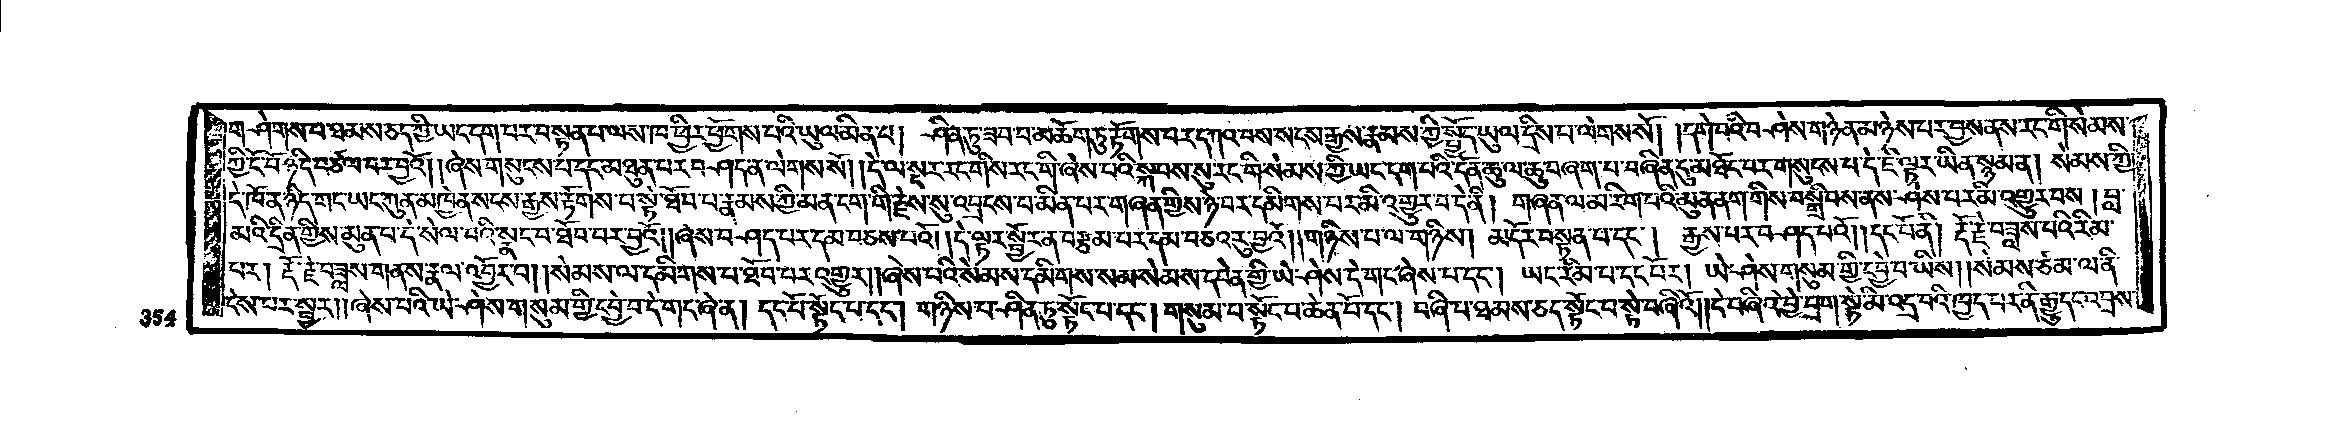གཤེགས་པ་ཐམས་ཅད་ཀྱི་ཡང་དག་པར་བསྟན་པ་ལས་ཁ་ཕྱིར་ཕྱོགས་པའི་ཡུལ་མིན་པ། ཤིན་ཏུ་ཟབ་པ་མཆོག་ཏུ་རྟོགས་པར་དཀའ་བས་སངས་རྒྱས་རྣམས་ཀྱི་སྤྱོད་ཡུལ་དྲིས་པ་ལེགས་སོ། །དགེ་བའི་བཤེས་གཉེན་མཉེས་པར་བྱས་ནས་རང་གི་སེམས་
ཀྱི་ངོ་བོ་ཉིད་བཙལ་བར་བྱའོ། །ཞེས་གསུངས་པ་དང་མཐུན་པར་བཤད་ན་ལེགས་སོ། །དེ་ལ་སྔར་རང་གིས་རང་གི་ཞེས་པའི་སྐབས་སུ་རང་གི་སེམས་ཀྱི་ཡང་དག་པའི་དོན་ཆུ་ལ་ཆུ་བཞག་པ་བཞིན་དུ་མཐོང་བར་གསུངས་པ་དེ་ཇི་ལྟར་ཡིན་སྙམ་ན། སེམས་ཀྱི་
དེ་ཁོ་ན་ཉིད་གང་ཡང་ཀུན་མཁྱེན་སངས་རྒྱས་རྟོགས་པ་སྟེ་ཐོབ་པ་རྣམས་ཀྱི་མན་ངག་གི་རྗེས་སུ་འབྲངས་པ་མིན་པར་གཞན་གྱིས་ཉེ་བར་དམིགས་པར་མི་འགྱུར་བ་དེ་ནི། གཞན་ལ་མ་རིགས་པའི་མུན་ནག་གིས་བསྒྲིབས་ནས་ཤེས་པར་མི་འགྱུར་བས། བླ་
མའི་དྲིན་གྱིས་མུན་པ་དེ་སེལ་བའི་སྣང་བ་ཐོབ་པར་བྱའོ། །ཞེས་བཤད་པར་དམ་བཅས་པའོ། །དེ་ལྟར་སྦྱོར་ན་བརྩམ་པར་དམ་བཅའ་རུ་བྱའོ། །གཉིས་པ་ལ་གཉིས། མདོར་བསྟན་པ་དང་། རྒྱས་པར་བཤད་པའོ། །དང་པོ་ནི། རྡོ་རྗེ་བཟླས་པའི་རིམ་
པར། རྡོ་རྗེ་བཟླས་གནས་རྣལ་འབྱོར་བ། །སེམས་ལ་དམིགས་པ་ཐོབ་པར་འགྱུར། །ཞེས་པའི་སེམས་དམིགས་སམ་སེམས་དབེན་གྱི་ཡེ་ཤེས་དེ་གང་ཞེས་པ་དང་། ཡང་རིམ་པ་དང་པོར། ཡེ་ཤེས་གསུམ་གྱི་དབྱེ་བ་ཡིས། །སེམས་ཙམ་ལ་ནི་
ངེས་པར་སྦྱར། །ཞེས་པའི་ཡེ་ཤེས་གསུམ་གྱི་དབྱེ་བ་དེ་གང་ཞེ་ན། དང་པོ་སྟོང་པ་དང་། གཉིས་པ་ཤིན་ཏུ་སྟོང་པ་དང་། གསུམ་པ་སྟོང་པ་ཆེན་པོ་དང་། བཞི་པ་ཐམས་ཅད་སྟོང་པ་སྟེ་བཞིའོ། །དེ་བཞིའི་བྱེ་བྲག་སྟེ་མི་འདྲ་བའི་ཁྱད་པར་ནི་རྒྱུ་དང་འབྲས་